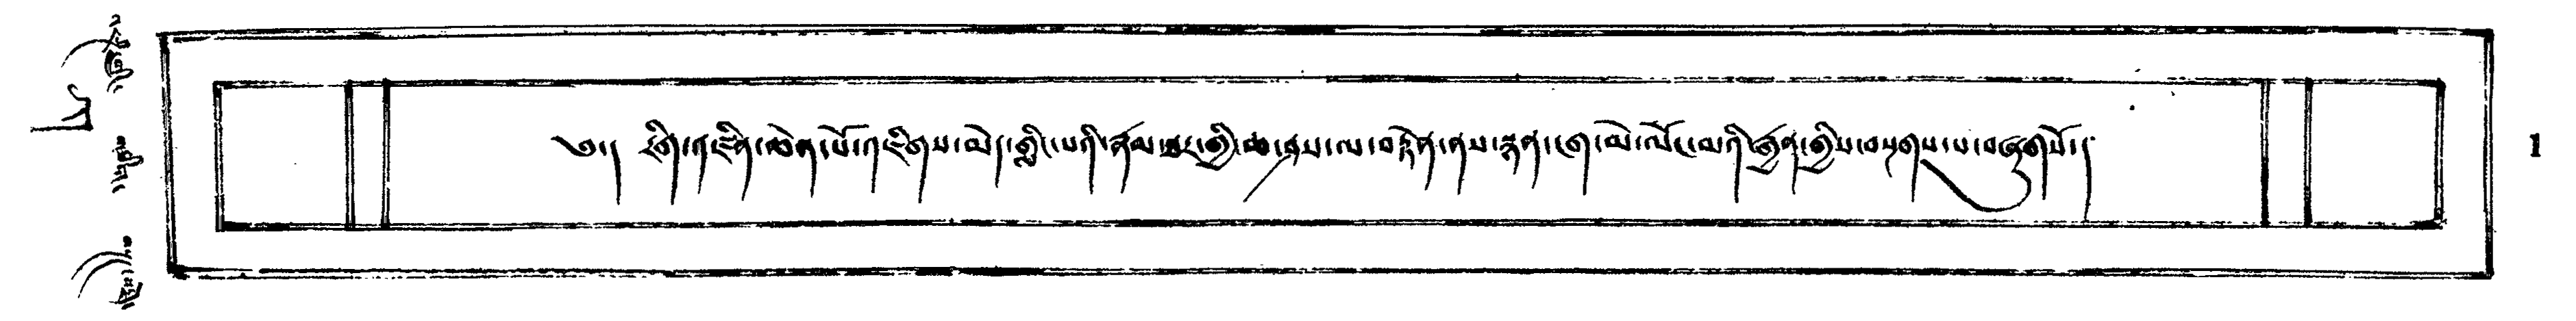༄། རིག་འཛིན་ཆེན་པོ་འཇིགས་མེད་གླིང་པའི་རྣམ་ཐར་གྱི་ཆ་ཤས་ལ་བརྟེན་ནས་སྙན་ངག་མེ་ལོང་མའི་རྒྱན་གྱིས་བསྔགས་པ་བཞུགས་སོ།། །།